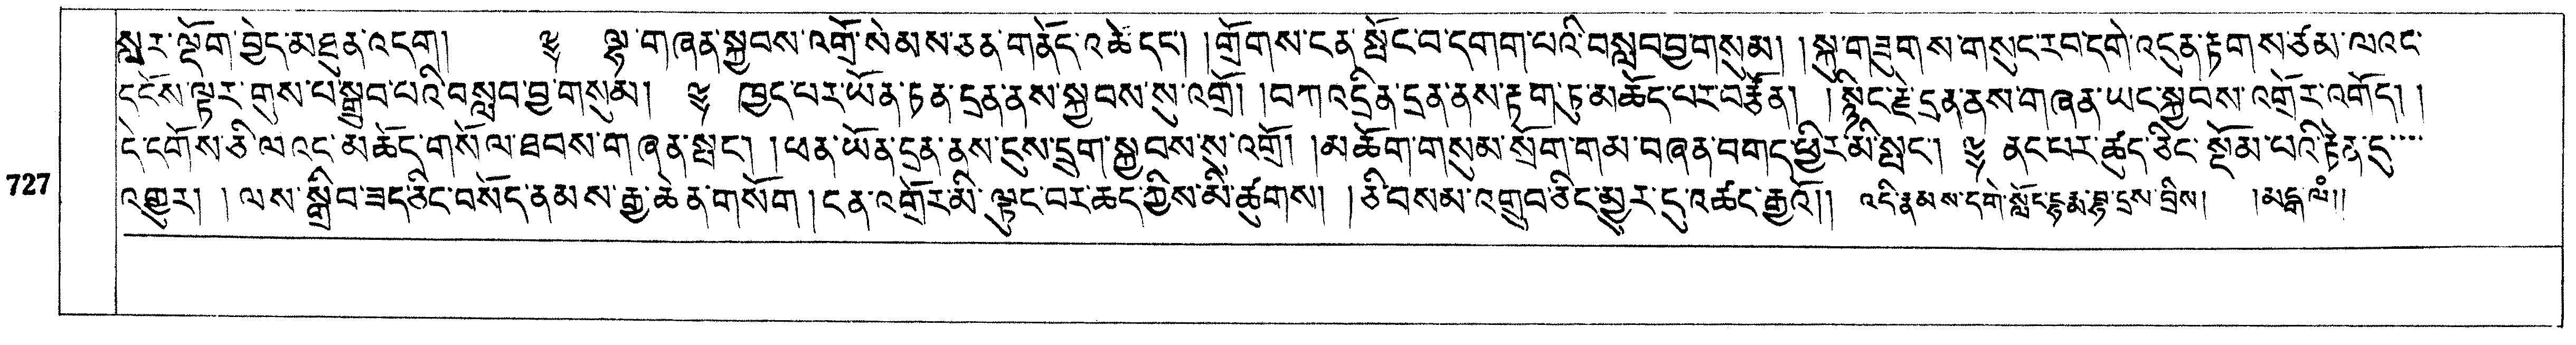སླར་ལྡོག་བྱེད་མཐུན་འདག། ༈ ལྷ་གཞན་སྐྱབས་འགྲོ་སེམས་ཅན་གནོད་འཚེ་དང་། །གྲོགས་ངན་སྤོང་བ་དགག་པའི་བསླབ་བྱ་གསུམ། །སྐུ་གཟུགས་གསུང་རབ་དགེ་འདུན་རྟགས་ཙམ་ལའང་
དངོས་ལྟར་གུས་པ་སྒྲུབ་པའི་བསླབ་བྱ་གསུམ། ༈ ཁྱད་པར་ཡོན་ཏན་དྲན་ནས་སྐྱབས་སུ་འགྲོ། །བཀའ་དྲིན་དྲན་ནས་རྟག་ཏུ་མཆོད་པར་བརྩོན། །སྙིང་རྗེ་དྲན་ནས་གཞན་ཡང་སྐྱབས་འགྲོར་འགོད། །
དེ་དགོས་ཅི་ལའང་མཆོད་གསོལ་ཐབས་གཞན་སྤང་། །ཕན་ཡོན་དྲན་ནས་དུས་དྲུག་སྐྱབས་སུ་འགྲོ། །མཆོག་གསུམ་སྲོག་གམ་བཞན་བགད་ཕྱིར་མི་སྤང་། ༈ ནང་པར་ཚུད་ཅིང་སྡོམ་པའི་རྟེན་དུ་
འགྱུར། །ལས་སྒྲིབ་ཟད་ཅིང་བསོད་ནམས་རྒྱ་ཆེན་གསོག །ངན་འགྲོར་མི་ལྟུང་བར་ཆད་ཀྱིས་མི་ཚུགས། །ཅི་བསམ་འགྲུབ་ཅིང་མྱུར་དུ་འཚང་རྒྱའོ།། འདི་རྣམས་དགེ་སློང་དྷརྨ་བྷ་དྲས་བྲིས། །མངྒ་ལཾ།།